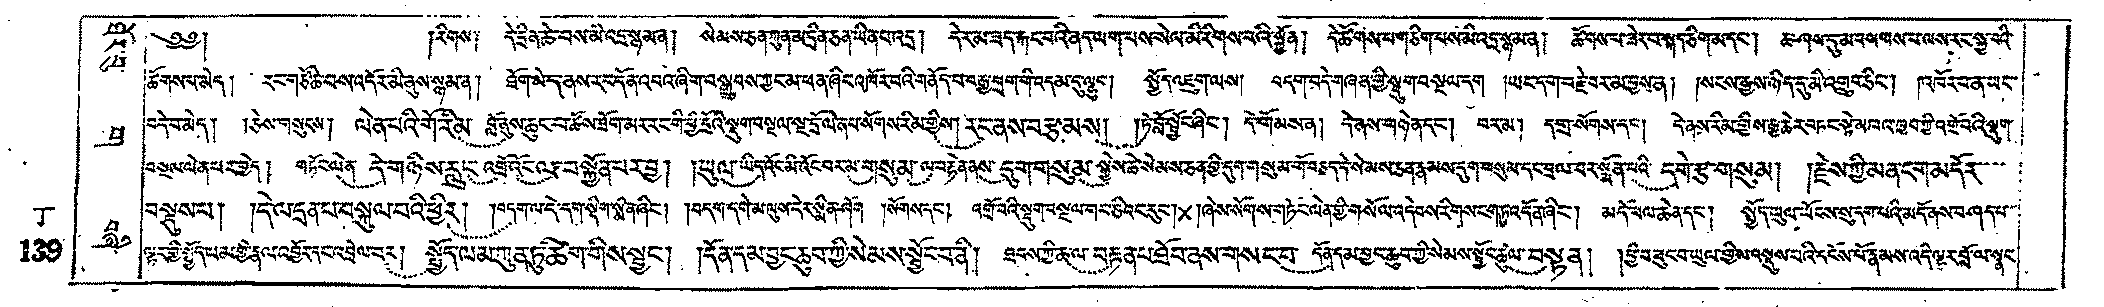༄༅། །རིགས༑ དེ་དྲིན་ཆེ་བས་མི་འདྲ་སྙམ་ན། སེམས་ཅན་ཀུན་མ་དྲིན་ཅན་ཡིན་པ་འདྲ། དེར་མ་ཟད་རྐང་པའི་ནད་ལག་པས་སེལ་མི་རིགས་པའི་སྐྱོན། དེ་ཚོགས་པ་གཅིག་པས་མི་འདྲ་སྙམ་ན། ཚོགས་པ་ཟེར་བ་སྐད་ཅིག་མ་དང་། ཆ་ཤས་དུ་མ་བསགས་པ་ལས་རང་སྐྱ་བའི་
ཚོགས་པ་མེད། རང་གཙོ་ཆེ་བས་འདོར་མི་ནུས་སྙམ་ན། ཐོག་མེད་ནས་རང་དོན་འབའ་ཞིག་བསྒྲུབས་ཀྱང་མ་ཕན་ཞིང་འཁོར་བའི་གནོད་པ་བརྒྱ་ཕྲག་གི་འདམ་དུ་ལྷུང་། སྤྱོད་འཇུག་ལས། བདག་བདེ་གཞན་གྱི་སྡུག་བསྔལ་དག །ཡང་དག་བརྗེ་བར་མ་བྱས་ན། །སངས་རྒྱས་ཉིད་དུ་མི་འགྲུབ་ཅིང་། །འཁོར་བ་ན་ཡང་་་
བདེ་བ་མེད། །ཅེས་གསུངས། ལེན་པའི་གོ་རིམ་བློ་ནུས་ཆུང་བ་ཆོས་ཐོག་མར་རང་གི་ཕྱི་དྲོའི་སྡུག་བསྔལ་སྔ་དྲོ་ལེན་པ་སོགས་རིམ་གྱིས།  རང་ནས་བརྩམས། །ཏེ་བློ་སྦྱོངཞིང་། དེ་ནས་གཉེན་དང་། བར་མ། དགྲ་སོགས་དང་། དེ་ནས་རིམ་གྱིས་རྒྱ་ཆེར་བཏང་སྟེ་མཁའ་ཁྱབ་ཀྱི་འགྲོ་བའི་སྡུག་
བསྔལ་ལེན་པར་བྱེད། གཏོང་ལེན་དེ་གཉིས་རླུང་འགྲོ་འོང་ལ་བསྐྱོན་པར་བྱ། །ཡུལ་ཡིད་འོང་མི་འོང་བར་མ་གསུམ་ལ་བརྟེན་ནས་དུག་གསུམ་སྐྱེས་ཚེས་སེམས་ཅན་གྱི་དུག་གསུམ་གོ་བཅད་དེ་སེམས་ཅན་རྣམས་དུག་གསུམ་དང་བྲལ་བར་སྨོན་པའི་དགེ་རྩ་གསུམ། །རྗེས་ཀྱི་མན་ངག་མདོར་་་
བསྡུས་པ། །དེ་ལ་དྲན་པ་བསྐུལ་བའི་ཕྱིར། །བདག་ལ་དེ་དག་སྡིག་སྨིན་ཞིང་། །བདག་དགེ་མ་ལུས་དེར་སྨིན་ཤོག །སོགས་དང་། འགྲོ་བའི་སྡུག་བསྔལ་གང་ཅིའང་རུང་། ྾་།ཞེས་སོགས་གཏོང་ལེན་གྱི་གསོལ་འདེབས་རིགས་ངག་ཏུ་འདོན་ཞིང་། མདོ་ཕལ་ཆེན་དང་། སྤྱོད་ཡུལ་ཡོངས་སུ་དག་པའི་མདོ་ནས་བཤད་པ་་་
ལྟར་གྱི་སྤྱོད་ལམ་གྱི་རྣལ་འབྱོར་དང་འབྲེལ་བར། སྤྱོད་ལམ་ཀུན་ཏུ་ཚིག་གིས་སྦྱང་། །དོན་དམ་བྱང་ཆུབ་ཀྱི་སེམས་སྦྱོང་བ་ནི། ཐབས་ཀྱི་ཆ་ལ་བརྟན་པ་ཐོབ་ནས་གསང་བ་དོན་དམ་བྱང་ཆུབ་ཀྱི་སེམས་སྦྱོང་ཚུལ་བསྟན། །ཕྱི་བཟུང་བ་ཡུལ་གྱིས་བསྡུས་པའི་དངོས་པོ་རྣམས་འདི་ལྟར་བློ་ལ་སྣང་